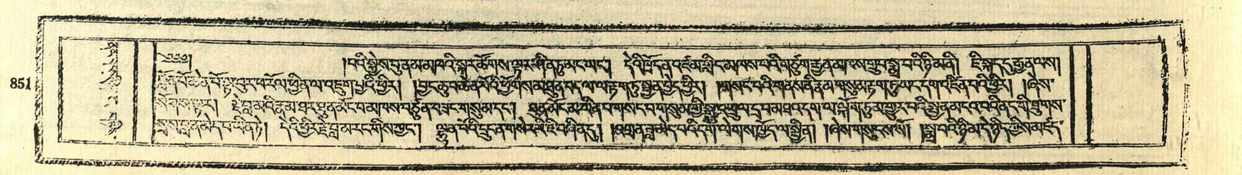༄༅༅། །བའི་སྐྱེས་བུ་ནམ་མཁའི་སྐར་ཚོགས་ལྟར་ཤིན་ཏུ་མང་ཡང་། དེའི་ཁྲོད་ན་འཛམ་གླིང་མཁས་པའི་གཙུག་རྒྱན་མཁས་གྲུབ་སྨྲ་བ་ཉི་མ་ནི། ཇི་སྐད་དུ་རྒྱན་ལས།
བློན་པོ་ཆེན་པོ་ལྟ་བུར་ཕ་རོལ་ཕྱིན་ལ་འཇུག་བྱའི་ཕྱིར། །བྱང་ཆུབ་ཆེན་པོའི་ཕྱོགས་མཐུན་བད་ལ་རྟག་ཏུ་སྤྱན་བྱེད་ཕྱིར། །གསང་བའི་གནས་ནི་རྣམ་གསུམ་རྟག་ཏུ་ཡང་དག་འཛིན་པའི་ཕྱིར། །ཞེས་
སོགས་ལྟར། རྗེ་བླ་མའི་རྣམ་ཐར་ཐུན་མོང་བ་མཁས་བཙུན་བཟང་གསུམ་དང་། ཐུན་མོང་མ་ཡིན་པ་གསང་བ་གསུམ་གྱི་སྒྲུབ་འཕྲུལ་དྲ་བ་མཐའ་དག་ལ་ལྐོག་ཏུ་མ་གྱུར་བའི་སྤྱན་མངའ་བའི་ནང་གི་ཐུགས་
སྲས་བླ་ན་མེད་པ་ཡིན་ཏེ། དེའི་ཕྱིར་རྗེ་བླ་མ་རང་གིས་ཀྱང་། ལྷུན་པོའི་དྲུང་ནས་གསེར་རི་ཇི་བཞིན་དུ། །འགྲན་ཟླ་མེད་བའི་དགེ་ལེགས་ཁྱོད་ལ་སྦྱིན། །ཞེས་གསུངས་སོ། །སྨྲ་བའི་ཉི་མ་དེ་ཉིད་ཀྱིས་མཛད་